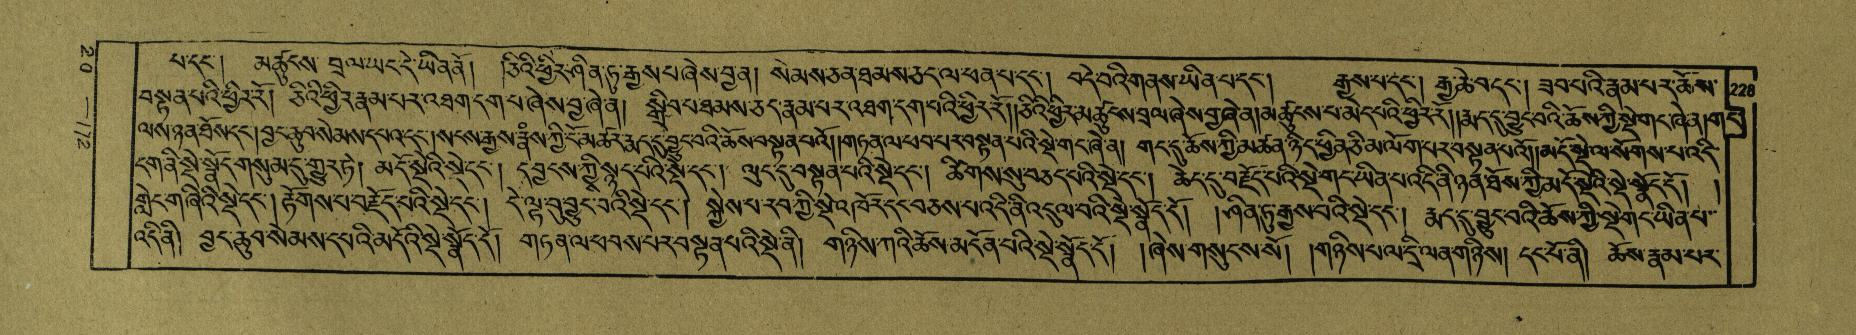པ་དང་། མཚུངས་བྲལ་ཡང་དེ་ཡིན་ནོ། །ཅིའི་ཕྱིར་ཤིན་ཏུ་རྒྱས་པ་ཞེས་བྱ་ན། སེམས་ཅན་ཐམས་ཅད་ལ་ཕན་པ་དང་། བདེ་བའི་གནས་ཡིན་པ་དང་། རྒྱས་པ་དང་། རྒྱ་ཆེ་བ་དང་། ཟབ་པའི་རྣམ་པར་ཆོས་
བསྟན་པའི་ཕྱིར་རོ། །ཅིའི་ཕྱིར་རྣམ་པར་འཐག་དག་པ་ཞེས་བྱ་ཞེ་ན། སྒྲིབ་པ་ཐམས་ཅད་རྣམ་པར་འཐག་དག་པའི་ཕྱིར་རོ། །ཅིའི་ཕྱིར་མཚུངས་བྲལ་ཞེས་བྱ་ཞེ་ན། མཚུངས་པ་མེད་པའི་ཕྱིར་རོ། །རྨད་དུ་བྱུང་བའི་ཆོས་ཀྱི་སྡེ་གང་ཞེ་ན། གང་
ལས་ཉན་ཐོས་དང་། བྱང་ཆུབ་སེམས་དཔའ་དང་། སངས་རྒྱས་རྣཾས་ཀྱི་ངོ་མཚར་རྨད་དུ་བྱུང་བའི་ཆོས་བསྟན་པའོ། །གཏན་ལ་ཕབ་པར་བསྟན་པའི་སྡེ་གང་ཞེ་ན། གང་དུ་ཆོས་ཀྱི་མཚན་ཉིད་ཕྱིན་ཅི་མ་ལོག་པར་བསྟན་པའོ། །མདོ་སྡེ་ལ་སོགས་པ་འདི་
དག་ནི་སྡེ་སྣོད་གསུམ་དུ་གྱུར་ཏེ། མདོ་སྡེའི་སྡེ་དང་། དབྱངས་ཀྱིས་སྙད་པའི་སྡེ་དང་། ལུང་དུ་བསྟན་པའི་སྡེ་དང་། ཚིགས་སུ་བཅད་པའི་སྡེ་དང་། ཆེད་དུ་བརྗོད་པའི་སྡེ་གང་ཡིན་པ་འདི་ནི་ཉན་ཐོས་ཀྱི་མདོ་སྡེའི་སྡེ་སྣོད་དོ། །
གླེང་གཞིའི་སྡེ་དང་། རྟོགས་པ་བརྗོད་པའི་སྡེ་དང་། དེ་ལྟ་བུ་བྱུང་བའི་སྡེ་དང་། སྐྱེས་པ་རབ་ཀྱི་སྡེ་འཁོར་དང་བཅས་པ་འདི་ནི་འདུལ་བའི་སྡེ་སྣོད་དོ། །ཤིན་ཏུ་རྒྱས་པའི་སྡེ་དང་། རྨད་དུ་བྱུང་བའི་ཆོས་ཀྱི་སྡེ་གང་ཡིན་པ་
འདི་ནི། བྱང་ཆུབ་སེམས་དཔའི་མདོའི་སྡེ་སྣོད་དོ། གཏན་ལ་ཕབས་པར་བསྟན་པའི་སྡེ་ནི། གཉིས་ཀའི་ཆོས་མངོན་པའི་སྡེ་སྣོད་དོ། །ཞེས་གསུངས་སོ། །གཉིས་པ་ལ་དྲི་ལན་གཉིས། དང་པོ་ནི། ཆོས་རྣམ་པར་